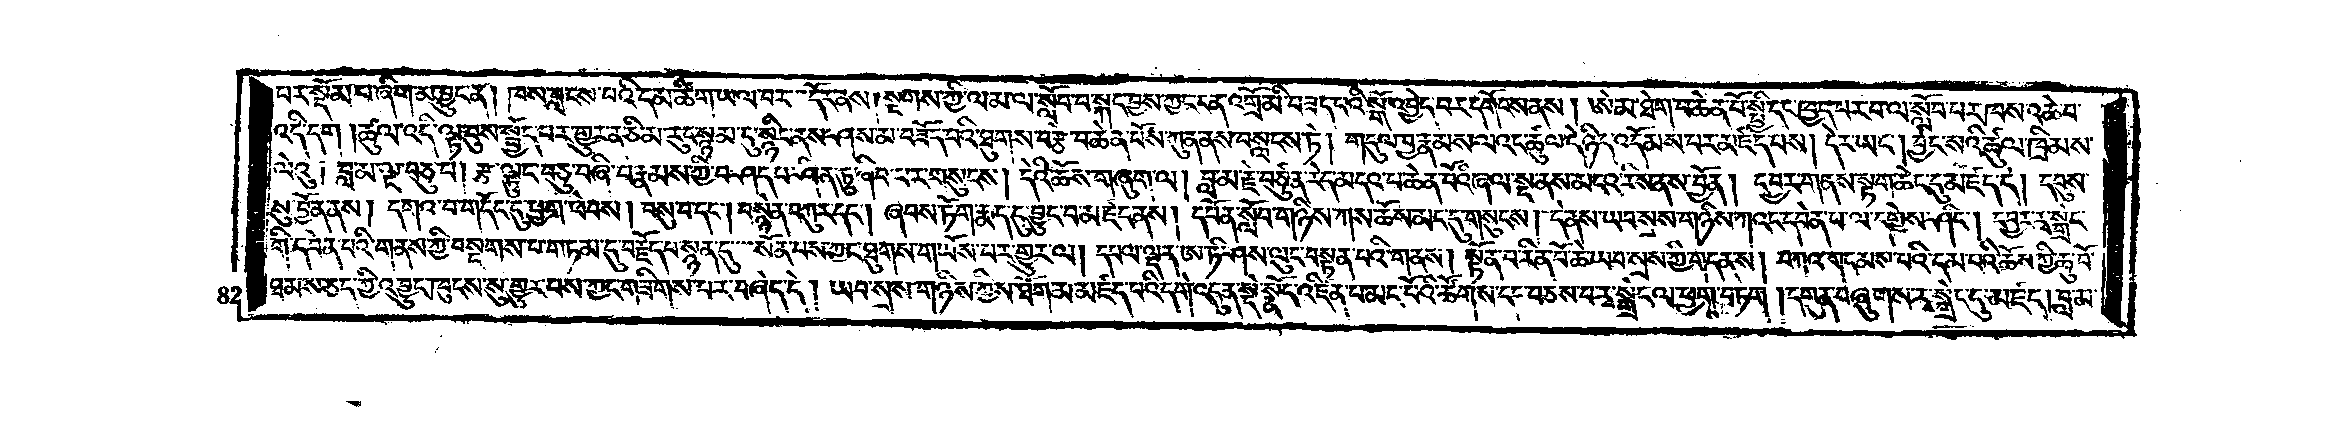པར་སྡོམ་པ་ཞིག་མ་བྱུང་ན། ཁས་བླངས་པའི་དམ་ཚིག་ཡལ་བར་དོར་ནས། སྔགས་ཀྱི་ལམ་ལ་སློབ་པ་སྐད་བྱས་ཀྱང་ངན་འགྲོ་མི་བཟད་པའི་སྒོ་འབྱེད་པར་དགོངས་ནས། ཨེ་མ་ཐེག་པ་ཆེན་པོ་སྤྱི་དང་ཁྱད་པར་བ་ལ་སློབ་པར་ཁས་འཆེ་བ་
འདི་དག །ཚུལ་འདི་ལྟ་བུས་སྤྱོད་པར་གྱུར་ན་ཅི་མ་རུང་སྙམ་དུ་སྙིང་ནས་ཤས་མ་བཟོད་པའི་ཐུགས་བརྩེ་བ་ཆེན་པོས་ཀུན་ནས་བསླངས་ཏེ། གདུལ་བྱ་རྣམས་ལའང་ཚུལ་དེ་ཉིད་འདོམས་པར་མཛད་པས། དེར་ཡང་། བྱང་སའི་ཚུལ་ཁྲིམས་
ལེའུ། བླ་མ་ལྔ་བཅུ་པ། རྩ་ལྟུང་བཅུ་བཞི་པ་རྣམས་ཀྱི་བཤད་པ་ཤིན་ཏུ་ཞིབ་པར་གསུངས། དེའི་ཆོས་གཞུག་ལ། བླ་མ་རྗེ་བཙུན་རེད་མདའ་པ་ཆེན་པོའི་ཞལ་སྔ་ནས་མངའ་རིས་ནས་བྱོན། དབྱར་གནས་སྟག་ཆེད་དུ་མཛད་དེ། དབུས་
སུ་བྱོན་ནས། དགའ་བ་གདོང་དུ་ཕྱག་ཕེབས། བསུ་བ་དང་། བསྙེན་བཀུར་དང་། ཞབས་ཏོག་རྨད་དུ་བྱུང་བ་མཛད་ནས། དཔོན་སློབ་གཉིས་ཀས་ཆོས་མང་དུ་གསུངས། དེ་ནས་ཡབ་སྲས་གཉིས་ཀའང་དབེན་པ་ལ་དགྱེས་ཤིང་། དབྱར་རྭ་སྒྲེང་
གི་དབེན་པའི་གནས་ཀྱི་བསྔགས་པ་གཏམ་དུ་བརྗོད་པ་སྙན་དུ་སོན་པས་ཀྱང་ཐུགས་གཡོས་པར་གྱུར་ལ། དཔལ་ལྡན་ཨ་ཏི་ཤས་ལུང་བསྟན་པའི་གནས། སྟོན་པ་རིན་པོ་ཆེ་ཡབ་སྲས་ཀྱི་གདན་ས། བཀའ་གདམས་པའི་དམ་པའི་ཆོས་ཀྱི་ཆུ་བོ་
ཐམས་ཅད་ཀྱི་འབྱུང་ཁུངས་སུ་གྱུར་པས་ཀྱང་གཟིགས་པར་བཞེད་དེ། ཡབ་སྲས་གཉིས་ཀྱིས་ཐོག་མ་མཛད་པའི་དགེ་འདུན་སྡེ་སྣོད་འཛིན་པ་མང་པོའི་ཚོགས་དང་བཅས་པ་རྭ་སྒྲེང་ལ་ཕྱགས་བཏག །དགུན་བཞུགས་རྭ་སྒྲེང་དུ་མཛད། བླ་མ་